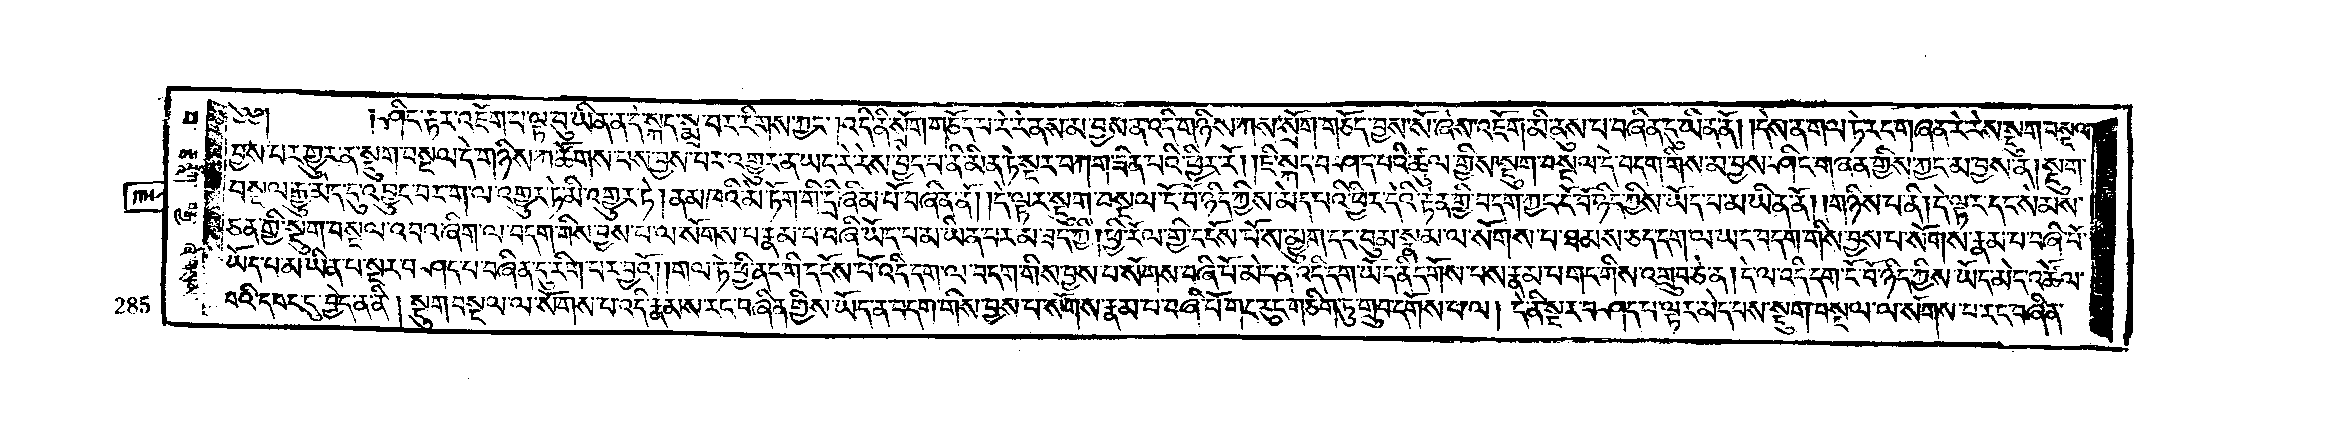༄༅། །ཤིང་རྟར་འཇོག་པ་ལྟ་བུ་ཡིན་ན་དེ་སྐད་སྨྲ་བར་རིགས་ཀྱང་། འདི་ནི་སྲོག་གཅོད་པ་རེ་རེ་ནས་མ་བྱས་ན་འདི་གཉིས་ཀས་སྲོག་གཅོད་བྱས་སོ་ཞེས་འཇོག་མི་ནུས་པ་བཞིན་དུ་ཡིན་ནོ། །དེས་ན་གལ་ཏེ་རང་གཞན་རེ་རེས་སྡུག་བསྔལ་
བྱས་པར་གྱུར་ན་སྡུག་བསྔལ་དེ་གཉིས་ཀ་ཚོགས་པས་བྱས་པར་འགྱུར་ན་ཡང་རེ་རེས་བྱད་པ་ནི་མིན་ཏེ་སྔར་བཀག་ཟིན་པའི་ཕྱིར་རོ། །ཇི་སྐད་བཤད་པའི་ཚུལ་གྱིས་སྡུག་བསྔལ་དེ་བདག་གིས་མ་བྱས་ཤིང་གཞན་གྱིས་ཀྱང་མ་བྱས་ན། སྡུག་
བསྔལ་རྒྱུ་མེད་དུ་འབྱུང་བར་ག་ལ་འགྱུར་ཏེ་མི་འགྱུར་ཏེ། ནམཁའི་མེ་ཏོག་གི་དྲི་ཞིམ་པོ་བཞིན་ནོ། །དེ་ལྟར་སྡུག་བསྔལ་ངོ་བོ་ཉིད་ཀྱིས་མེད་པའི་ཕྱིར་དེའི་རྟེན་གྱི་བདག་ཀྱང་ངོ་བོ་ཉིད་ཀྱིས་ཡོད་པ་མ་ཡིན་ནོ། །གཉིས་པ་ནི། དེ་ལྟར་དང་སེམས་
ཅན་གྱི་སྡུག་བསྔལ་འབའ་ཞིག་ལ་བདག་གིས་བྱས་པ་ལ་སོགས་པ་རྣམ་པ་བཞི་ཡོད་པ་མ་ཡིན་པར་མ་ཟད་ཀྱི། ཕྱི་རོལ་གྱི་དངོས་པོ་ས་མྱུག་དང་བུམ་སྣམ་ལ་སོགས་པ་ཐམས་ཅད་དག་ལ་ཡང་བདག་གིས་བྱས་པ་སོགས་རྣམ་པ་བཞི་པོ་
ཡོད་པ་མ་ཡིན་པ་སྔར་བཤད་པ་བཞིན་དུ་རིག་པར་བྱའོ། །གལ་ཏེ་ཕྱི་ནང་གི་དངོས་པོ་འདི་དག་ལ་བདག་གིས་བྱས་པ་སོགས་བཞི་པོ་མེད་ན་འདི་དག་ཡོད་ནི་དགོས་པས་རྣམ་པ་གང་གིས་འགྲུབ་ཅེ་ན། དེ་ལ་འདི་དག་ངོ་བོ་ཉིད་ཀྱིས་ཡོད་མེད་འཚོལ་
བའི་དབང་དུ་བྱེད་ན་ནི། སྡུག་བསྔལ་ལ་སོགས་པ་འདི་རྣམས་རང་བཞིན་གྱིས་ཡོད་ན་བདག་གིས་བྱས་པ་སོགས་རྣམ་པ་བཞི་པོ་གང་རུང་གཅིག་ཏུ་གྲུབ་དགོས་པ་ལ། དེ་ནི་སྔར་བཤད་པ་ལྟར་མེད་པས་སྡུག་བསྔལ་ལ་སོགས་པ་རང་བཞིན་